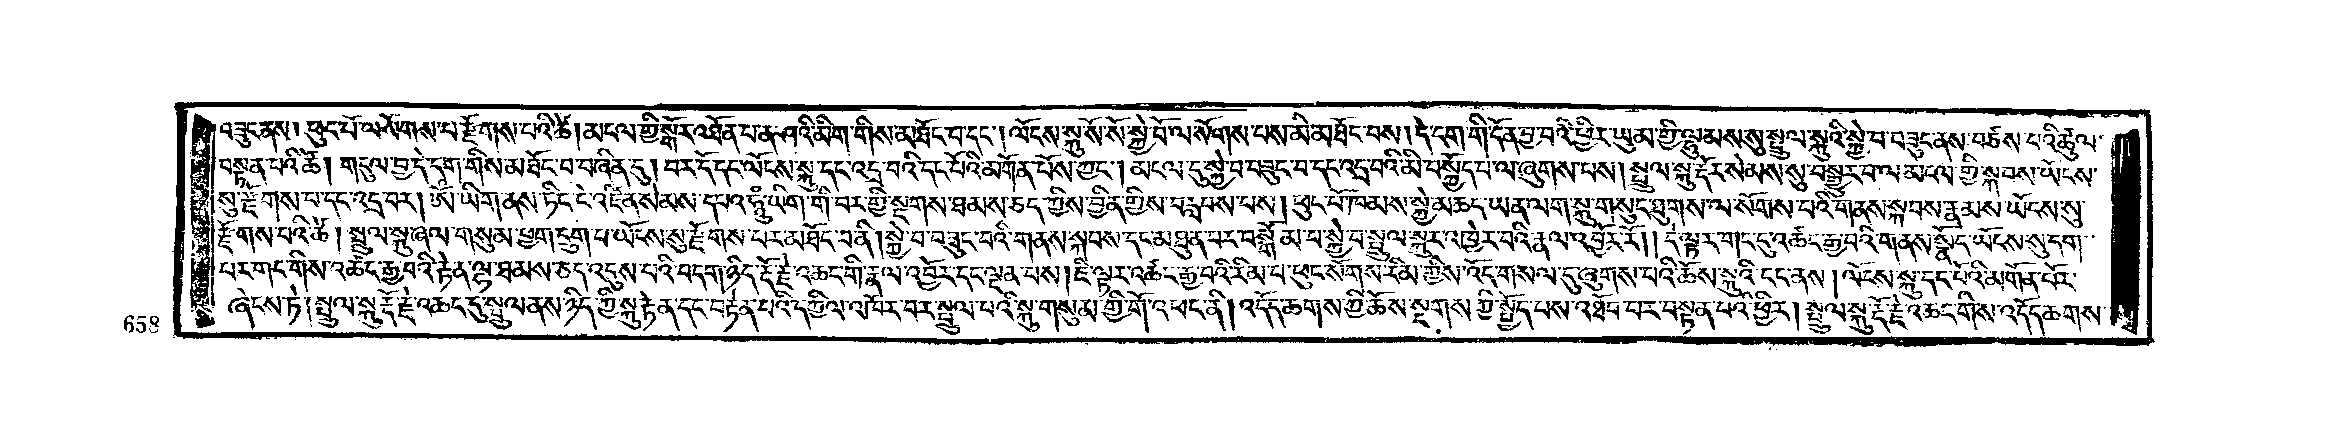བཟུང་ནས། ཕུང་པོ་ལ་སོགས་པ་རྫོགས་པའི་ཚེ། མངལ་གྱི་སྒོར་འཐོན་པ་ན་ཤའི་མིག་གིས་མཐོང་བ་དང་། ལོངས་སྐུ་སོ་སོ་སྐྱེ་བོ་ལ་སོགས་པས་མི་མཐོང་བས། དེ་དག་གི་དོན་བྱ་བའི་ཕྱིར་ཡུམ་གྱི་ལྷུམས་སུ་སྤྲུལ་སྐུའི་སྐྱེ་བ་བཟུང་ནས་བཙས་པའི་ཚུལ་
བསྟན་པའི་ཚེ། གདུལ་བྱ་དེ་དག་གིས་མཐོང་བ་བཞིན་དུ། བར་དོ་དང་ལོངས་སྐུ་དང་འདྲ་བའི་དང་པོའི་མགོན་པོས་ཀྱང་། མངལ་དུ་སྐྱེ་བ་བཟུང་བ་དང་འདྲ་བའི་མི་བསྐྱོད་པ་ལ་ཞུགས་པས། སྤྲུལ་སྐུ་རྡོར་སེམས་སུ་བསྒྱུར་བ་ལ་མངལ་གྱི་སྐབས་ཡོངས་
སུ་རྫོགས་པ་དང་འདྲ་བར། ཨོཾ་ཡིག་ནས་ཏིང་ངེ་འཛིན་སེམས་དཔའ་ཧཱུཾ་ཡིག་གི་བར་གྱི་སྔགས་ཐམས་ཅད་ཀྱིས་བྱིན་གྱིས་བརླབས་པས། ཕུང་པོ་ཁམས་སྐྱེ་མཆད་ཡན་ལག་སྐུ་གསུང་ཐུགས་ལ་སོགས་པའི་གནས་སྐབས་རྣམས་ཡོངས་སུ་
རྫོགས་པའི་ཚེ། སྤྲུལ་སྐུ་ཞལ་གསུམ་ཕྱག་དྲུག་པ་ཡོངས་སུ་རྫོགས་པར་མཐོང་བ་ནི། སྐྱེ་བ་བཟུང་བའི་གནས་སྐབས་དང་མཐུན་པར་བསྒོམ་པ་སྐྱེ་བ་སྤྲུལ་སྐུར་འཁྱེར་བའི་རྣལ་འབྱོར་རོ། །དེ་ལྟར་གང་དུ་འཚང་རྒྱ་བའི་གནས་སྣོད་ཡོངས་སུ་དག་
པར་གང་གིས་འཚང་རྒྱ་བའི་རྟེན་ལྷ་ཐམས་ཅད་འདུས་པའི་བདག་ཉིད་རྡོ་རྗེ་འཆང་གི་རྣལ་འབྱོར་དང་ལྡན་པས། ཇི་ལྟར་འཚང་རྒྱ་བའི་རིམ་པ་ཕུང་སོགས་རིམ་གྱིས་འོད་གསལ་དུ་ཞུགས་པའི་ཆོས་སྐུའི་ངང་ནས། ལོངས་སྐུ་དང་པོའི་མགོན་པོར་
ཞེངས་ཏེ། སྤྲུལ་སྐུ་རྡོ་རྗེ་འཆང་དུ་སྤྲུལ་ནས་ཉིད་ཀྱི་སྐུ་རྟེན་དང་བརྟེན་པའི་དཀྱིལ་འཁོར་བར་སྤྲུལ་པའི་སྐུ་གསུམ་གྱི་གོ་འཕང་ནི། འདོད་ཆགས་ཀྱི་ཆོས་སྔགས་ཀྱི་སྤྱོད་པས་འཐོབ་པར་བསྟན་པའི་ཕྱིར། སྤྲུལ་སྐུ་རྡོ་རྗེ་འཆང་གིས་འདོད་ཆགས་